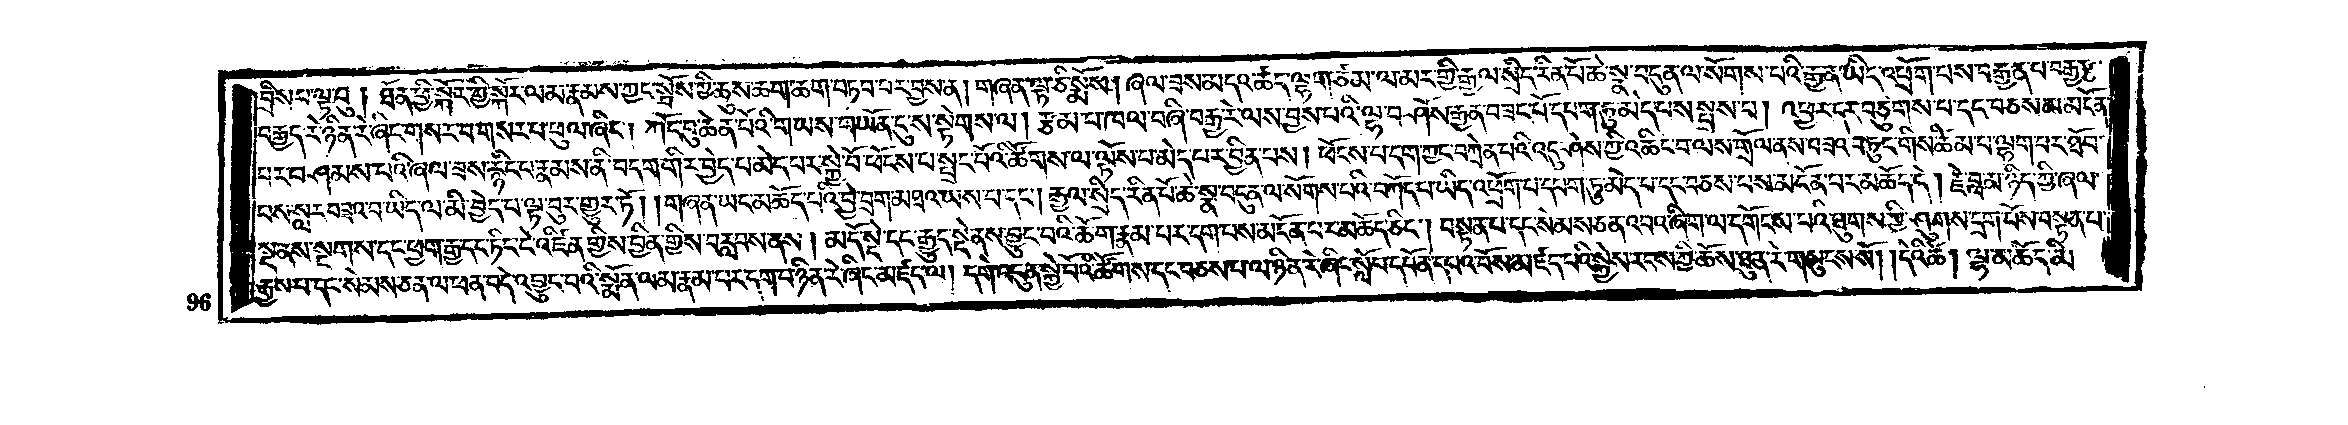བྲིས་པ་ལྟ་བུ། ཐོན་ཕྱི་སྐོར་གྱི་སྐོར་ལམ་རྣམས་ཀྱང་སྤོས་ཀྱི་ཆུས་ཆག་ཆག་བཏབ་པར་བྱས་ན། གཞན་ལྟ་ཅི་སྨོས། ཞལ་ཟས་མདའ་ཚད་ལྷག་ཙམ་ལ་མར་གྱི་རྒྱལ་སྲིད་རིན་པོ་ཆེ་སྣ་བདུན་ལ་སོགས་པའི་རྒྱན་ཡིད་འཕྲོག་པས་བརྒྱན་པ་བརྒྱ་རྩ་
བརྒྱད་རེ་ཉིན་རེ་ཞིང་གསར་པ་གསར་པ་ཕུལ་ཞིང་། ཀོང་བུ་ཆེན་པོའི་གཡས་གཡོན་དུ་ས་སྟེགས་ལ། རྩམ་པ་ཁལ་བཞི་བརྒྱ་རེ་ལས་བྱས་པའི་ལྷ་བཤོས་རྒྱན་བཟང་པོ་དཔག་ཏུ་མེད་པས་སྤྲས་པ། འཕྱར་དར་བཙུགས་པ་དང་བཅས་མ་མངོན་
པར་བཤམས་པའི་ཞལ་ཟས་རྙིང་པ་རྣམས་ནི་བདག་གིར་བྱེད་པ་མེད་པར་སྐྱེ་བོ་ཕོངས་པ་སྤྲང་པོའི་ཚོགས་ལ་ལྟོས་པ་མེད་པར་བྱིན་པས། ཕོངས་པ་དག་ཀྱང་བཀྲེན་པའི་འདུ་ཤེས་ཀྱི་འཆིང་བ་ལས་གྲོལ་ནས་བཟའ་བཏུང་གིས་ཚིམ་པ་ལྷག་པར་ཐོབ་
པས་སླར་བཟའ་བ་ཡིད་ལ་མི་བྱེད་པ་ལྟ་བུར་གྱུར་ཏོ། །གཞན་ཡང་མཆོད་པའི་བྱེ་བྲག་མཐའ་ཡས་པ་དང་། རྒྱལ་སྲིད་རིན་པོ་ཆེ་སྣ་བདུན་ལ་སོགས་པའི་བཀོད་པ་ཡིད་འཕྲོག་པ་དཔག་ཏུ་མེད་པ་དང་བཅས་པས་མངོན་པར་མཆོད་དེ། རྗེ་བླ་མ་ཉིད་ཀྱི་ཞལ་
སྔ་ནས་སྔགས་དང་ཕྱག་རྒྱ་དང་ཏིང་ངེ་འཛིན་གྱིས་བྱིན་གྱིས་བརླབས་ནས། མདོ་སྡེ་དང་རྒྱུད་སྡེ་ནས་བྱུང་བའི་ཆོ་ག་རྣམ་པར་དག་པས་མངོན་པར་མཆོད་ཅིང་། བསྟན་པ་དང་སེམས་ཅན་འབའ་ཞིག་ལ་དགོངས་པའི་ཐུགས་ཀྱི་ཤུགས་དྲག་པོས་བསྟན་པ་
རྒྱས་པ་དང་སེམས་ཅན་ལ་ཕན་བདེ་འབྱུང་བའི་སྨོན་ལམ་རྣམ་པར་དག་པ་ཉིན་རེ་ཞིང་མཛད་ལ། དགེ་འདུན་སྐྱེ་བོའི་ཚོགས་དང་བཅས་པ་ལ་ཉིན་རེ་ཞིང་སློབ་དཔོན་དཔའ་བོས་མཛད་པའི་སྐྱེས་རངས་ཀྱི་ཆོས་ཐུན་རེ་གསུངས་སོ། །དེའི་ཚེ། ལྷ་མཆོད་མི་